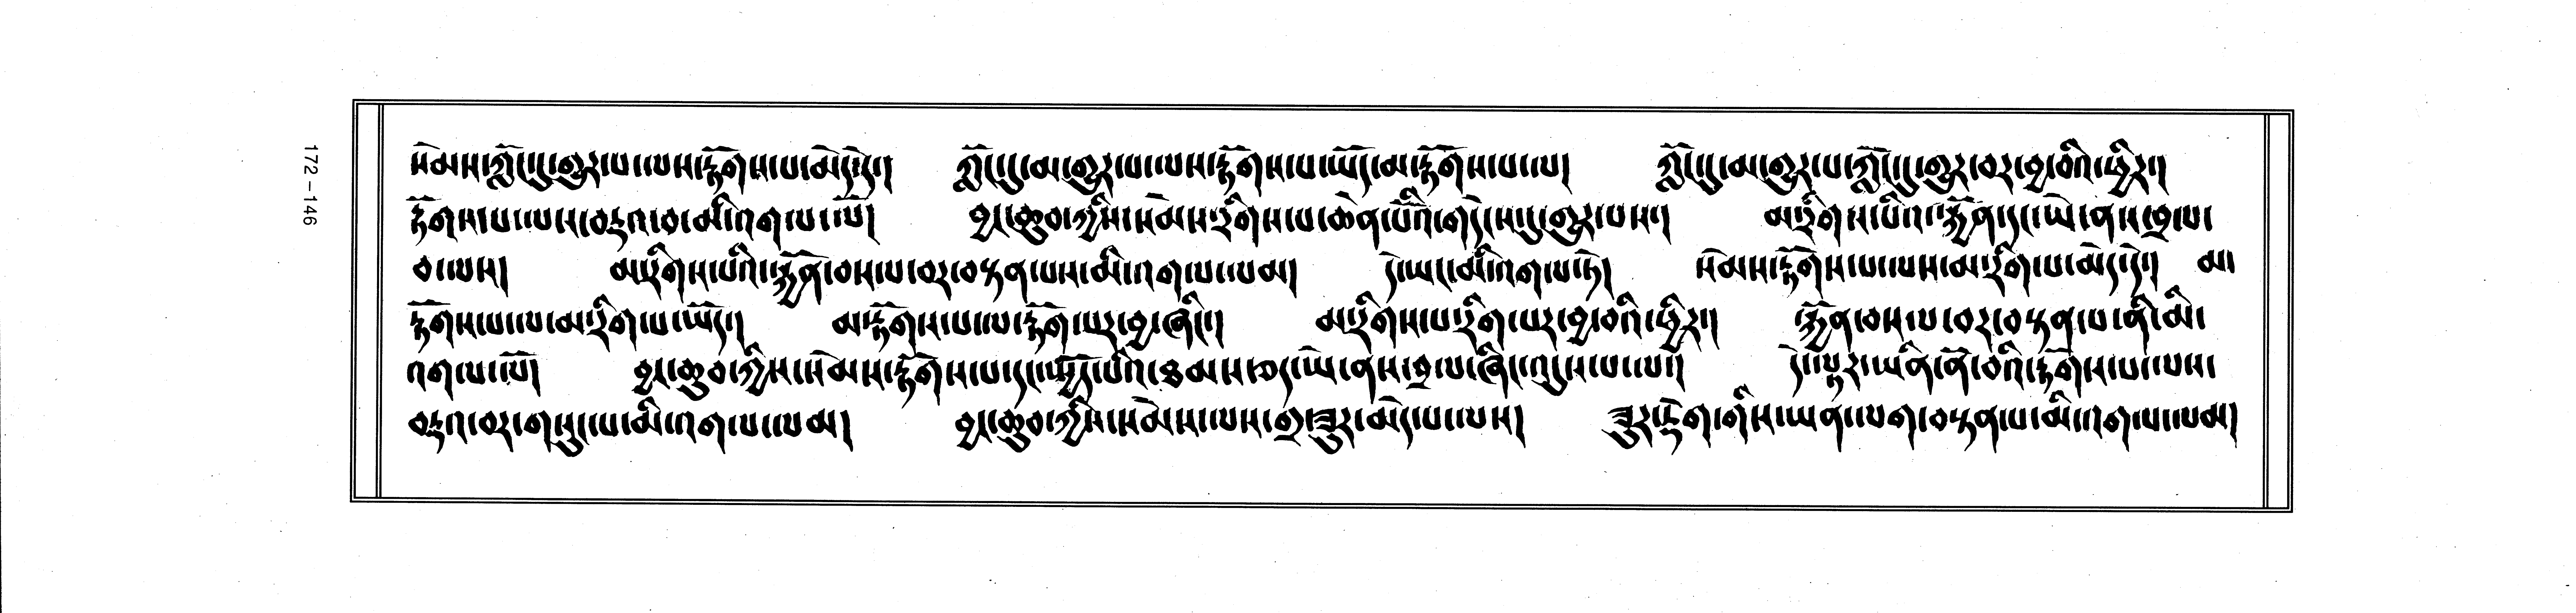སེམས་ཀློང་དུ་གྱུར་པ་ལས་རྟོགས་པ་མེད་དེ། ཀློང་དུ་མ་གྱུར་པ་ལས་རྟོགས་པ་ཡོད་མ་རྟོགས་པ་ལ། ཀློང་དུ་མ་གྱུར་པ་ཀློང་དུ་གྱུར་བར་བྱ་བའི་ཕྱིར། 
རྟོགས་པ་ལས་བརྡའ་བ་མི་འགལ་ལོ། བྱང་ཆུབ་ཀྱིས་སེམས་རིགས་པ་ཆེན་པོའི་གདེངས་དུ་གྱུར་པས། མ་རིགས་པའི་སྐྱོན་དང་ཡེ་ནས་བྲལ་
བ་ལས། མ་རིགས་པའི་སྐྱོན་བསལ་བར་བསྟན་པས་མི་འགལ་ལམ། དེ་ཡང་མི་འགལ་ཏེ། སེམས་རྟོགས་པ་ལས་མ་རིག་པ་མེད་དེ། མ་
རྟོགས་པ་ལ་མ་རིག་པ་ཡོད། མ་རྟོགས་པ་ལ་རྟོགས་པར་བྱ་ཞིང་། མ་རིག་པ་རིག་པར་བྱ་བའི་ཕྱིར། སྐྱོན་བསལ་བར་བསྟན་པ་ནི་མི་
འགལ་ལོ། བྱང་ཆུབ་ཀྱིས་སེམས་རྟོགས་པ་དང་སྤྱོད་པའི་ཐམས་ཅད་ཡེ་ནས་བྲལ་ཞིང་འདུས་པ་ལ། དེ་ལྟར་ཡིན་ནོ་བའི་རྟོགས་པ་ལས་
བརྡའ་བར་གསུང་པ་མི་འགལ་ལམ། བྱང་ཆུབ་ཀྱིས་སེམས་ལས་གྲ་ཟུར་མེད་པ་ལས། ཟུར་རྡེག་གིས་ཡན་ལག་བསྟན་པ་མི་འགལ་ལམ།